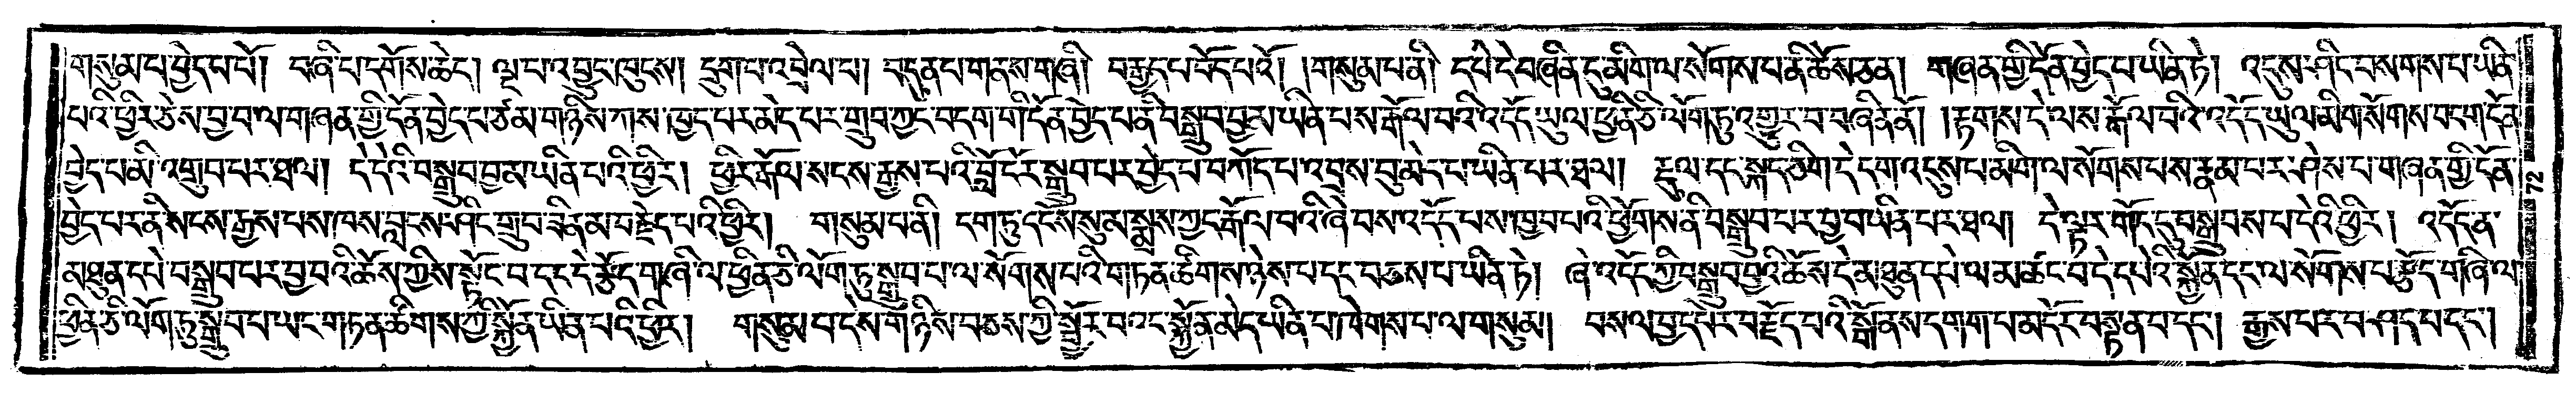གསུམ་པ་བྱེད་པ་པོ། བཞི་པ་དགོས་ཆེད། ལྔ་པ་འབྱུང་ཁུངས། དྲུག་པ་འབྲེལ་པ། བདུན་པ་གནས་གཞི། བརྒྱད་པ་བོད་པའོ། །གསུམ་པ་ནི། དཔེ་དེ་བཞིན་དུ་མིག་ལ་སོགས་པ་ནི་ཆོས་ཅན། གཞན་གྱི་དོན་བྱེད་པ་ཡིན་ཏེ། འདུས་ཤིང་བསགས་པ་ཡིན་
པའི་ཕྱིར་ཅེས་བྱ་བ་ལ་གཞན་གྱི་དོན་བྱེད་པ་ཙམ་གཉིས་ཀས་ཁྱད་པར་མེད་པར་གྲུབ་ཀྱང་བདག་གི་དོན་བྱེད་པ་ནི་བསྒྲུབ་བྱ་མ་ཡིན་པས་རྒོལ་བའི་འདོད་ཡུལ་ཕྱིན་ཅི་ལོག་ཏུ་འགྱུར་བ་བཞིན་ནོ། །རྟགས་དེ་ལས་རྒོལ་བའི་འདོད་ཡུལ་མིག་སོགས་བདག་དོན་
བྱེད་པ་མི་འགྲུབ་པར་ཐལ། དེ་དེའི་སྒྲུབ་བྱ་མ་ཡིན་པའི་ཕྱིར། ཕྱིར་རྒོལ་སངས་རྒྱས་པའི་བློ་ངོར་སྒྲུབ་པར་བྱེད་པ་བཀོད་པ་འབྲས་བུ་མེད་པ་ཡིན་པར་ཐལ། རྡུལ་དང་སྐད་ཅིག་དེ་དག་འདུས་པ་མིག་ལ་སོགས་པས་རྣམ་པར་ཤེས་པ་གཞན་གྱི་དོན་
བྱེད་པར་ནི་སངས་རྒྱས་པས་ཁས་བླངས་ཤིང་གྲུབ་ཟིན་མ་བརྗེད་པའི་ཕྱིར། གསུམ་པ་ནི། དག་ཏུ་དངོས་སུམ་སྨྲས་ཀྱང་རྒོལ་བའི་ཞེ་བས་འདོད་པས་ཁྱབ་པའི་ཕྱོགས་ནི་བསྒྲུབ་པར་བྱ་བ་ཡིན་པར་ཐལ། དེ་ལྟར་གོང་དུ་བསྒྲུབས་པ་དེའི་ཕྱིར། འདོད་ན་
མཐུན་དཔེ་བསྒྲུབ་པར་བྱ་བའི་ཆོས་ཀྱིས་སྟོང་བ་དང་དེ་རྩོད་གཞི་ལ་ཕྱིན་ཅི་ལོག་ཏུ་སྒྲུབ་པ་ལ་སོགས་པའི་གཏན་ཚིགས་ཉེས་པ་དང་བཅས་པ་ཡིན་ཏེ། ཞེ་འདོད་ཀྱི་བསྒྲུབ་བྱའི་ཆོས་དེ་མཐུན་དཔེ་ལ་མ་ཚང་བ་དེ་དཔེའི་སྐྱོན་དང་ལ་སོགས་པ་རྩོད་གཞི་ལ་
ཕྱིན་ཅི་ལོག་ཏུ་སྒྲུབ་པ་ཡང་གཏན་ཚིགས་ཀྱི་སྐྱོན་ཡིན་པའི་ཕྱིར། གསུམ་པ་དེས་གཉིས་བཅས་ཀྱི་སྦྱོར་བའང་སྐྱོན་མེད་ཡིན་པ་ཁེགས་པ་ལ་གསུམ། བསལ་བྱ་དཔེར་བརྗོད་པའི་སྒོ་ནས་དགག་པ་མདོར་བསྟན་པ་དང་། རྒྱས་པར་བཤད་པ་དང་།